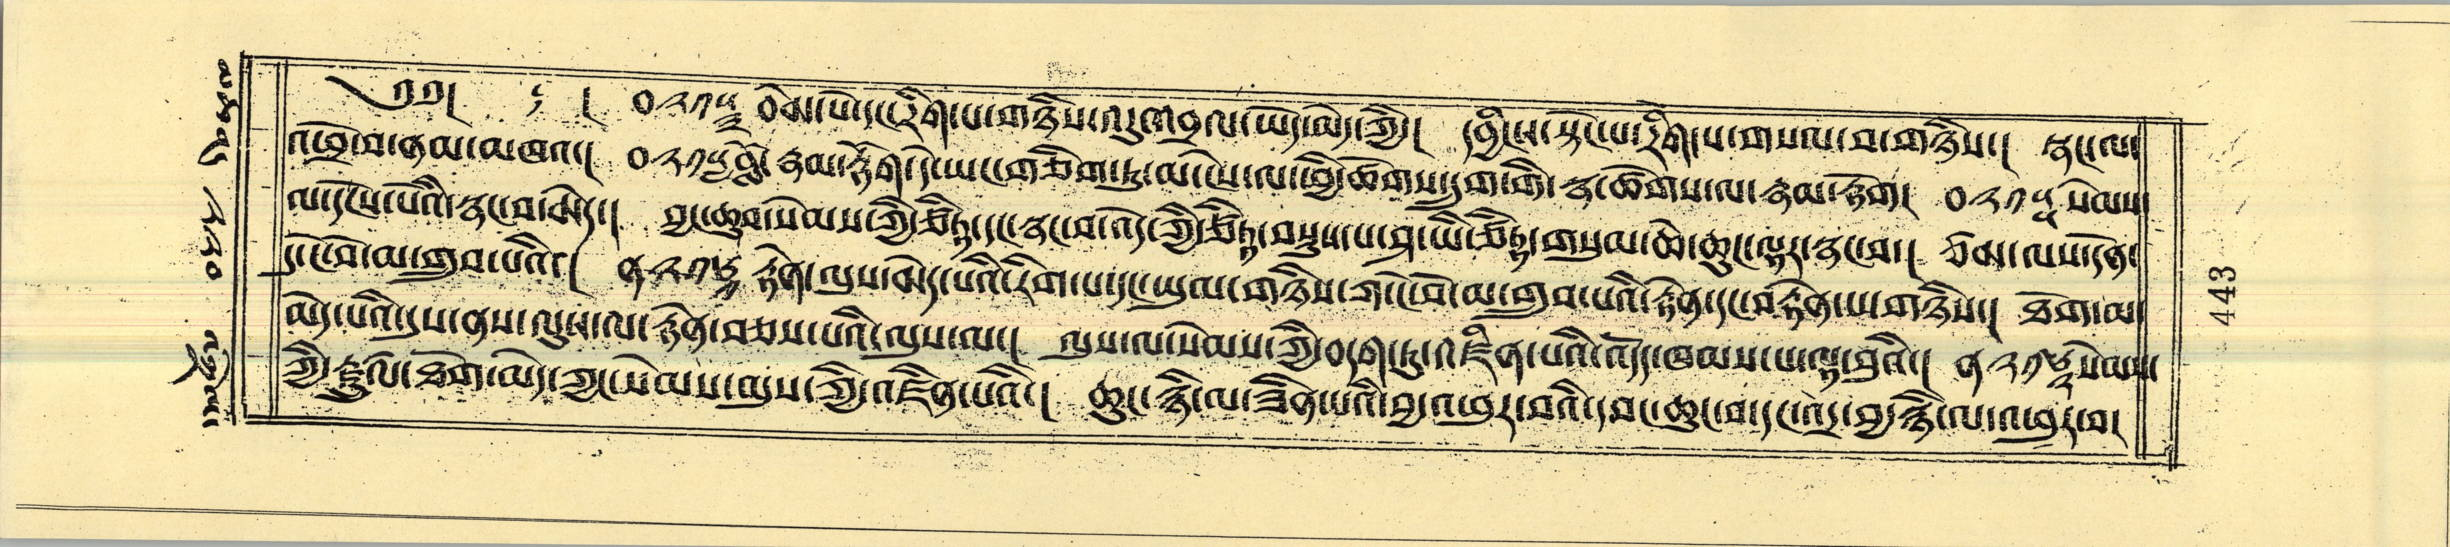བ༢༡༥།༣༼བེམ་པོ༽དང་རིག་པ་གཉིས་འདུ་འབྲལ་ཡོད་མེད་ཀྱི་དབྱིངས་སྟོང་པ་༼རིག་པ༽གསལ་བ་གཉིས། སྣང་ལ་
འཕྲོ་བ་ནམ་མཁའ་བ༢༡༥།༤༼བློ༽རྣམ་རྟོག་དེ་ཡང་གཅིག་ཏུ་མ་ངེས་ལ། ཕྱི་ཚོགས་དྲུག་གི་སྣ་ཚོགས་ལ་རྣམ་རྟོག་བ༢༡༥།༥སེམས་
ལ་དངོས་པོའི་སྣང་བ་མེད། བྱང་ཆུབ་སེམས་ཀྱི་ཙིརྟ་དང་། སྣང་བ་འོད་ཀྱི་ཙིརྟ་གདོས་པ་ཤའི་ཙིརྟ་གསུམ་ཆེ་ཆུང་ལྟར་སྣང་བ་ཙམ་ལས་དོན་
དུ་ངོ་བོ་མ་གྲུབ་པའི་ན༢༡༦།༡ རྟེན་ལུས་༼མེད་པའི༽རིག་པ་དང་ཡུལ་གཉིས་ཀ་ངོ་བོ་མ་གྲུབ་པའི་རྟེན་དང་བརྟེན་པ་གཉིས། ཐོག་མ་
མེད་པའི་དུས་ནས་༼ལུས་ལ༽རྟེན་བཅས་པའི་ལུས་ལ། ལུས་ལ་སེམས་ཀྱི་༼བདག་ཏུ་འཛིན་པའི༽འདོད་ཁམས་པ་ལྟ་བུའི་ན༢༡༦།༢སེམས་
ཀྱི་རྫུ་འཕྲུལ་ཐོགས་མེད་ཀྱང་སེམས་ལུས་ཀྱིས་འཛིན་པའི་ཆུང་རྙིང་ལ་ཟིན་པའི་བྱ་འཕུར་བའི་དབང་ཆུང་བ་དང་འདྲ། བྱ་རྙི་ལ་འཕུར་བ་